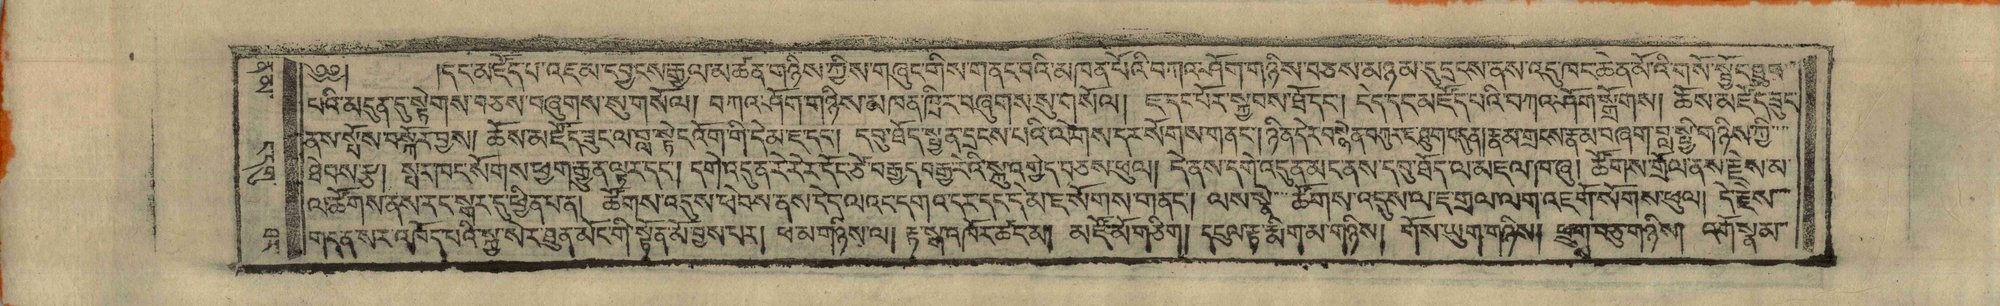༄༅། །དང་མཛོད་པ་འཇམ་དབྱངས་རྒྱལ་མཚན་གཉིས་ཀྱིས་གཞུང་གིས་གནང་བའི་མཁན་པོའི་བཀའ་ཤོག་གཉིས་བཅས་མཉམ་དུ་དྲངས་ནས་འདུ་ཁང་ཆེན་མོའི་གསོ་སྦྱོང་ཐུབ་
པའི་མདུན་དུ་སྟེགས་བཅས་བཞུགས་སུ་གསོལ། བཀའ་ཤོག་གཉིས་མཁན་ཁྲིར་བཞུགས་སུ་གསོལ། ཇ་དང་པོར་སྐྱབས་ཐོ་དང་། ངེད་དང་མཛོད་པའི་བཀའ་ཤོག་སྒྲོགས། ཆོས་མཛོད་ཟུང་
ནས་སྤོས་བསྐོར་བྱས། ཆོས་མཛོད་ཟུང་ལ་བླ་སྟེང་འོག་གི་དེམ་ཇ་དང་། དབུ་ཐོད་སྤྱན་དྲངས་པའི་ལེགས་དར་སོགས་གནང་། ཉིན་དེར་བསྙེན་བཀུར་ཇ་ཐུག་བདུན། རྣམ་གྲངས་རྣམ་བཞག་བླ་སྤྱི་གཉིས་ཀྱི་
ཐེབས་རྩ། སྤར་ཁང་སོགས་ཕྱག་རྒྱུན་ལྟར་དང་། དགེ་འདུན་རེ་རེར་དོང་ཙེ་བརྒྱད་བརྒྱ་རེའི་སྐུ་འགྱེད་བཅས་ཕུལ། དེ་ནས་དགེ་འདུན་མང་ནས་དབུ་ཐོད་ལ་མཇལ་ཁ་ཞུ། ཚོགས་གྲོལ་ནས་རྗེས་མ་
ལ་ཚོགས་ནས་རང་སྒར་དུ་ཕྱིན་པ་ན། ཚོགས་འདུས་ཕེབས་ནས་ངེད་ལའང་དགའ་དར་དང་དེམ་ཇ་སོགས་གནང་། ལས་སྣེ་ཚོགས་འདུས་ལ་ཇ་གྲལ་ལག་འཇོག་སོགས་ཕུལ། དེ་རྗེས་
གདན་སར་འཁོད་པའི་སྐྱ་སེར་ཐུན་མོང་གི་སྟོན་མོ་བྱས་པར། ཕ་མ་གཉིས་ལ། རྟ་སྒ་འཁོར་ཚང་མ། མཛོ་མོ་གཅིག །དངུལ་རྟ་རྨིག་མ་གཉིས། གོས་ཡུག་གཉིས། ཕྲུག་བཅུ་གཉིས། འགོ་སྣམ་